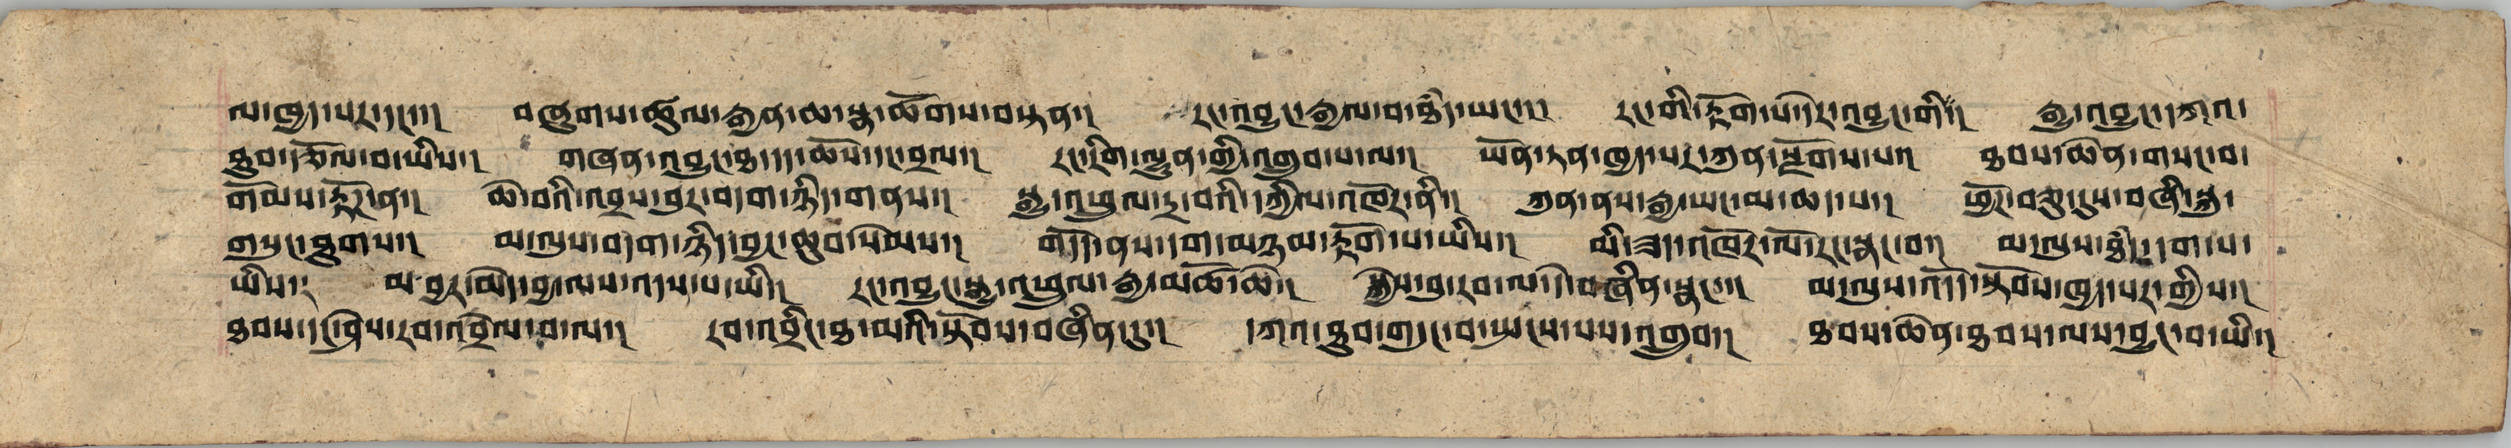ལ་ཁྱད་པར་དང་་། བཞུགས་ཚུལ་རྒྱན་ཆ་སྣ་ཚོགས་བསྟན་། རང་འབྱུང་རྒྱལ་བ་ཐཾད་ཡང་་། རང་གི་རྟོག་པ་དེར་འབྱུང་གི་། རྒྱུ་འབྱུང་དཀའ་
ཐུབ་རྩོལ་བ་ཡིས་། གཞན་འབྱུང་ཐ་དད་ཆོས་དང་བྲལ་། རང་རིག་ལྷུན་གྱི་འགྲུབ་པ་ལ་། ཡོན་ཏན་ཁྱད་པར་ཀུན་སྫོགས་པ་། ཐབས་ཆེན་གསང་བ་
གོམས་རྟོཌ་ན་། ཆེ་བའི་འབྲས་བུར་བདག་ཉིད་གནས་། སྒྱུ་འཕྲུལ་དྲ་བའི་དཀྱིལ་འཁོར་ནི་། ཀུན་ནས་རྒྱ་ཡང་མ་ཆད་པ་། ཕྱོཌ་བཅུ་དུས་བཞི་སྐུ་
གསུང་ཐུགས་། མ་ལུས་བདག་ཉིད་བྱང་ཆུབ་སེམས་། གདོད་ནས་དག་མཉམ་རྟོག་པ་ཡིས་། མི་ཟད་འཁོར་ལོ་རང་སྣང་བ་། མ་ལུས་ཐཾད་དག་པ་
ཡིས༑ མབྱར་མེད་བྱ་ལས་འདས་པ་ཡི་། རང་འབྱུང་སྒྱུ་འཕྲུལ་རྒྱ་མཚོ་ཆེ་། སྐྱེས་བུ་རབ་ལ་དེ་བཞིན་སྣང་་། མ་ལུས་འདོད་སྟོབས་ཁྱད་པར་གྱིས་།
ཐབས་དང་ཤེས་རབ་འབྲེལ་བ་ལ་། རབ་འབྲིང་ཐ་མའི་སྟོབས་བཞིན་དུ་། དཀའ་ཐུབ་གདུང་བ་སྤངས་པས་འགྲུབ་། ཐབས་ཆེན་ཐབས་ལས་བྱུང་བ་ཡི་།